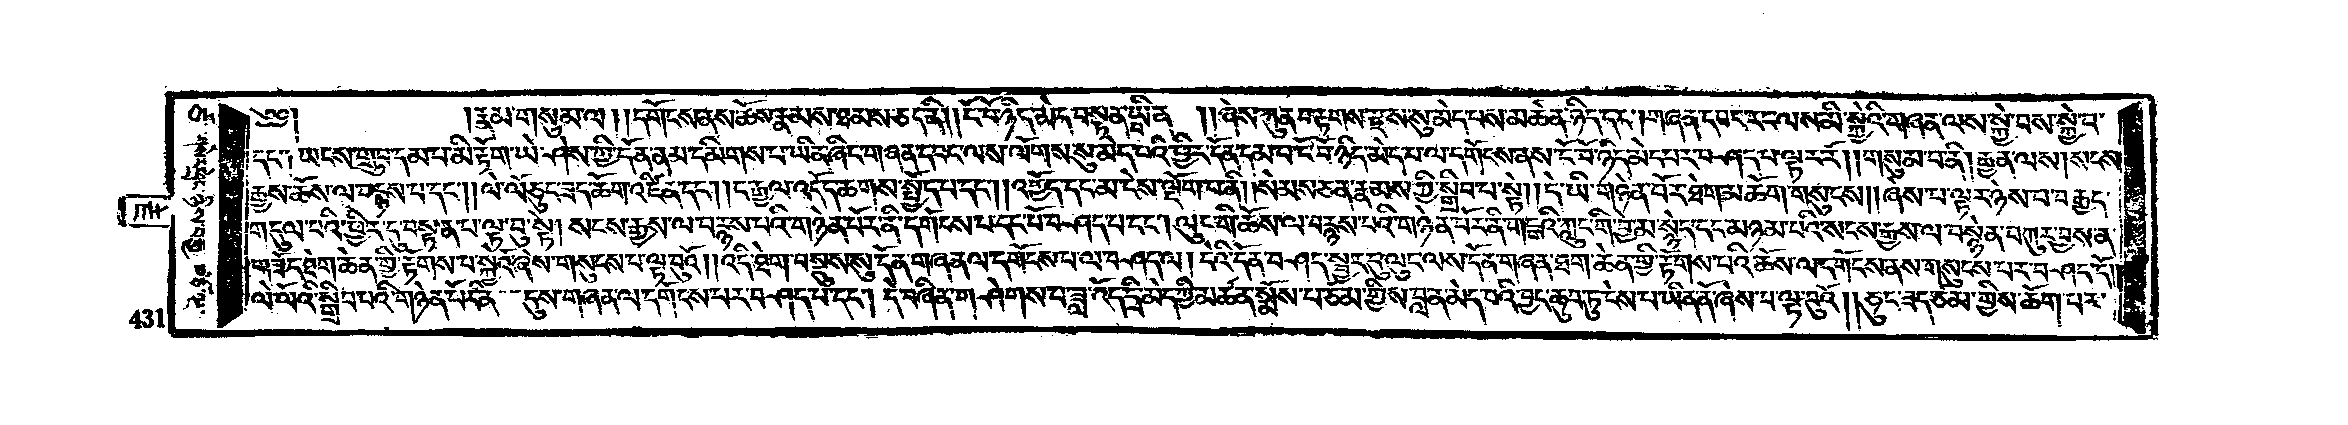༄༅། །རྣམ་གསུམ་ལ། །དགོངས་ནས་ཆོས་རྣམས་ཐམས་ཅད་ནི། །ངོ་བོ་ཉིད་མེད་བསྟན་པ་ཡིན། །ཞེས་ཀུན་བརྟགས་རྫས་སུ་མེད་པས་མཚན་ཉིད་དང་། གཞན་དབང་རང་ལས་མི་སྐྱེའི་གཞན་ལས་སྐྱེ་བས་སྐྱེ་བ་
དང༑ ཡོངས་གྲུབ་དམ་པ་མི་རྟོག་ཡེ་ཤེས་ཀྱི་དོན་ནམ་དམིགས་པ་ཡིན་ཞིང་གཞན་དབང་ལས་ལོགས་སུ་མེད་པའི་ཕྱིར་དོན་དམ་པ་ངོ་བོ་ཉིད་མེད་པ་ལ་དགོངས་ནས་ངོ་བོ་ཉིད་མེད་པར་བཤད་པ་ལྟར་རོ། །གསུམ་པ་ནི། རྒྱན་ལས། སངས་
རྒྱས་ཆོས་ལ་བརྙས་པ་དང་། །ལེ་ལོ་ཅུང་ཟད་ཆོག་འཛིན་དང་། །ང་རྒྱལ་འདོད་ཆགས་སྤྱོད་པ་དང་། །འགྱོད་དང་མ་ངེས་ལྡོག་པ་ནི། །སེམས་ཅན་རྣམས་ཀྱི་སྒྲིབ་པ་སྟེ། །དེ་ཡི་གཉེན་པོར་ཐེག་མཆོག་གསུངས། །ཞེས་པ་ལྟར་ཉེས་པ་བརྒྱད་
གདུལ་བའི་ཕྱིར་དུ་བསྟན་པ་ལྟ་བུ་སྟེ། སངས་རྒྱས་ལ་བརྙས་པའི་གཉེན་པོར་ནི་དགོངས་པ་དང་པོ་བཤད་པ་དང་། ལུང་གི་ཆོས་ལ་བརྙས་པའི་གཉེན་པོར་ནི་གངྒའི་ཀླུང་གི་བྱེ་མ་སྙེད་དང་མཉམ་པའི་སངས་རྒྱས་ལ་བསྙེན་བཀུར་བྱས་ན་
གཟོད་ཐེག་ཆེན་གྱི་རྟོགས་པ་སྐྱེའོ་ཞེས་གསུངས་པ་ལྟ་བུའོ། །འདི་ཐེག་བསྡུས་སུ་དོན་གཞན་ལ་དགོངས་པ་ལ་བཤད་ལ། དེའི་དོན་བཤད་སྦྱར་དུ་ལུང་ལས་དོན་གཞན་ཐེག་ཆེན་གྱི་རྟོགས་པའི་ཆོས་ལ་དགོངས་ནས་གསུངས་པར་བཤད་དོ། །
ལེ་ལོའི་སྒྲིབ་པའི་གཉེན་པོར་ནི་དུས་གཞན་ལ་དགོངས་པར་བཤད་པ་དང་། དེ་བཞིན་གཤེགས་པ་ཟླ་འོད་དྲི་མེད་ཀྱི་མཚན་སྨོས་པ་ཙམ་གྱིས་བླ་ན་མེད་པའི་བྱང་ཆུབ་ཏུ་ངེས་པ་ཡིན་ནོ་ཞེས་པ་ལྟ་བུའོ། །ཅུང་ཟད་ཙམ་གྱིས་ཆོག་པར་